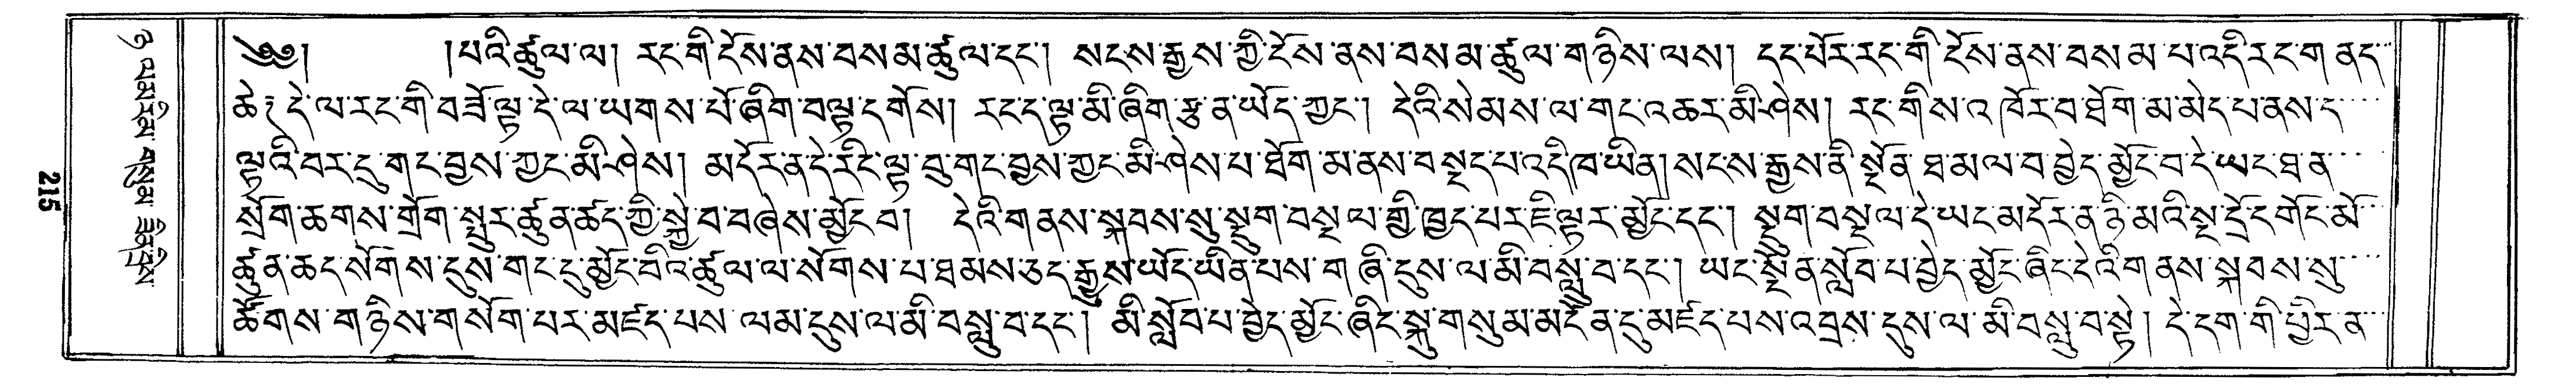༄༅། །པའི་ཚུལ་ལ། རང་གི་ངོས་ནས་བསམ་ཚུལ་དང་། སངས་རྒྱས་ཀྱི་ངོས་ནས་བསམ་ཚུལ་གཉིས་ལས། དང་པོར་རང་གི་ངོས་ནས་བསམ་བ་འདི་རང་གནད་
ཆེ༑ དེ་ལ་རང་གི་བཟོ་ལྟ་དེ་ལ་ཡགས་པོ་ཞིག་བལྟ་དགོས། རང་ད་ལྟ་མི་ཞིག་རྩ་ན་ཡོད་ཀྱང་། དེའི་སེམས་ལ་གང་འཆར་མི་ཤེས། རང་གིས་འཁོར་བ་ཐོག་མ་མེད་བ་ནས་ད་
ལྟའི་བར་དུ་གང་བྱས་ཀྱང་མི་ཤེས། མདོར་ན་དེ་རིང་ལྟ་བུ་གང་བྱས་ཀྱང་མི་ཤེས་པ་ཐོག་མ་ནས་བསྡད་པ་འདི་ཁ་ཡིན། སངས་རྒྱས་ནི་སྔོན་ཐ་མལ་པ་བྱེད་མྱོང་བ་དེ་ཡང་ཐ་ན་
སྲོག་ཆགས་གྲོག་སྦུར་ཚུན་ཆད་ཀྱི་སྐྱེ་བ་བཞེས་མྱོང་བ། དེའི་གནས་སྐབས་སུ་སྡུག་བསྔལ་གྱི་ཁྱད་པར་ཇི་ལྟར་མྱོང་དང་། སྡུག་བསྔལ་དེ་ཡང་མདོར་ན་ཉི་མའི་སྔ་དྲོ་དགོང་མོ་
ཚུན་ཆད་སོགས་དུས་གང་དུ་མྱོང་བའི་ཚུལ་ལ་སོགས་པ་ཐམས་ཅད་རྒྱུས་ཡོད་ཡིན་པ་ས་གཞི་དུས་ལ་མི་བསླུ་བ་དང་། ཡང་སྔོན་སློབ་པ་བྱེད་མྱོང་ཞིང་དེའི་གནས་སྐབས་སུ་
ཚོགས་གཉིས་གསོག་པར་མཛད་པས་ལམ་དུས་ལ་མི་བསླུ་བ་དང་། མི་སློབ་པ་བྱེད་མྱོང་ཞིང་སྐུ་གསུམ་མངོན་དུ་མཛད་པས་འབྲས་དུས་ལ་མི་བསླུ་བ་སྟེ། དེ་དག་གི་ཕྱིར་ན་